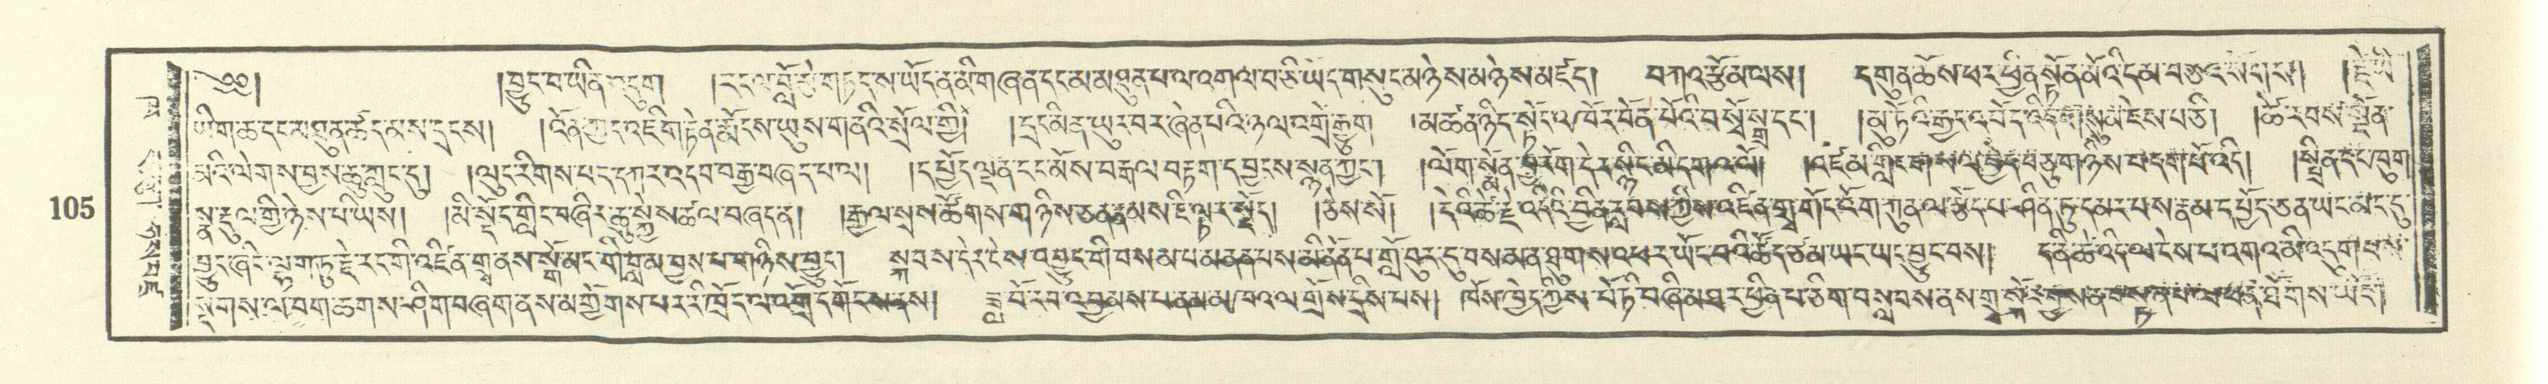༄༅། །བྱུང་བ་ཡིན་འདུག །རང་ལ་བློ་རྩེ་གཏངས་ཡོད་ན་མི་གཞན་དང་མ་མཐུན་པ་ལ་འགལ་བ་ཅི་ཡོད་གསུང་མཉེས་མཉེས་མཛད། བཀའ་རྩོམ་ལས། དགུན་ཆོས་ཕར་ཕྱིན་སྟོན་མོའི་དམ་བཅའ་སོགས། །རྗེ་ཡི་
ཡི་ག་ཆ་དང་མཐུན་ཚད་མས་དྲངས། །འོན་ཀྱང་འཇིག་རྟེན་རྨོངས་ཡུས་གནའི་སྲོལ་གྱི། །དྲང་མིན་ཡུར་བར་ཞེན་པའི་ཉལ་འགྲོ་རྒྱུག །མཚན་ཉིད་སྟོང་འཁོར་བོན་པོའི་བསྭོ་སྒྲ་དང་། །མུ་ཏོའི་རྒྱང་འབོད་འདི་གསུམ་ངེས་པ་ཅི། །ཚེ་རབས་སྔོན་
མའི་ལེགས་བྱས་ཆུ་ཀླུང་དུ། །ལུང་རིགས་པད་དཀར་འདབ་བརྒྱ་བཞད་པ་ལ། །དཔྱོད་ལྡན་དང་མོས་བརྒལ་བརྟག་དབྱངས་སྙན་ཀྱང་། །ལོག་སྨོན་བྱ་རོག་དེར་སྙིང་མི་དགའ་ལོ། །འཛམ་གླིང་གསལ་བྱེད་བཅུ་གཉིས་བདག་པོ་འདི། །སྤྲིན་དང་ཁུག་
སྣ་རྡུལ་གྱི་ཉེས་པ་ཡིས། །མི་སྡོད་གླིང་བཞིར་ཆུ་སྐྱེས་ཚལ་བཞད་ན། །རྒྱལ་སྲས་ཚོགས་གཉིས་ཅན་རྣམས་ཇི་ལྟར་སྔོད། །ཅེས་སོ། །དེའི་ཚེ་རྗེ་འདིའི་བྱིན་རླབས་ཀྱིས་འཛིན་གྲྭ་གོང་འོག་ཀུན་ལ་རྩོད་པ་ཤིན་ཏུ་དམར་པས་རྣམ་དཔྱོད་ཅན་ཡང་མང་དུ་
བྱུང་ཞིང་ལྷག་ཏུ་རྗེ་རང་གི་འཛིན་གྲྭ་ནས་སྒོ་མང་གི་བླ་མ་བྱས་པ་གཉིས་བྱུང་། སྐབས་དེར་ངེས་འབྱུང་གི་བསམ་པ་མནན་པས་མི་ནོན་པ་གློ་བུར་དུ་བསམ་ན་ཐུགས་འཕར་ཡོང་བའི་ཚོད་ཙམ་ཡང་ཡང་བྱུང་བས། ད་ནི་ཚེ་འདི་ལ་ངེས་པ་འགའ་མི་འདུག་པས་
སྔགས་ལ་བག་ཆགས་ཤིག་བཞག་ནས་མགྱོགས་པར་རི་ཁྲོད་ལ་འགྲོ་དགོངས་ནས། ཟླ་བོ་རབ་འབྱམས་པ་ནམ་མཁའ་ལ་གྲོས་དྲིས་པས། ཁོས་ཁྱེད་ཀྱིས་པོ་ཏི་བཞི་མཐར་ཕྱིན་པ་ཅིག་བསླབས་ནས་གྲྭ་སྐོར་བྱས་ན་བསྟན་པ་ལ་ཕན་ཐོགས་ཡོང་།